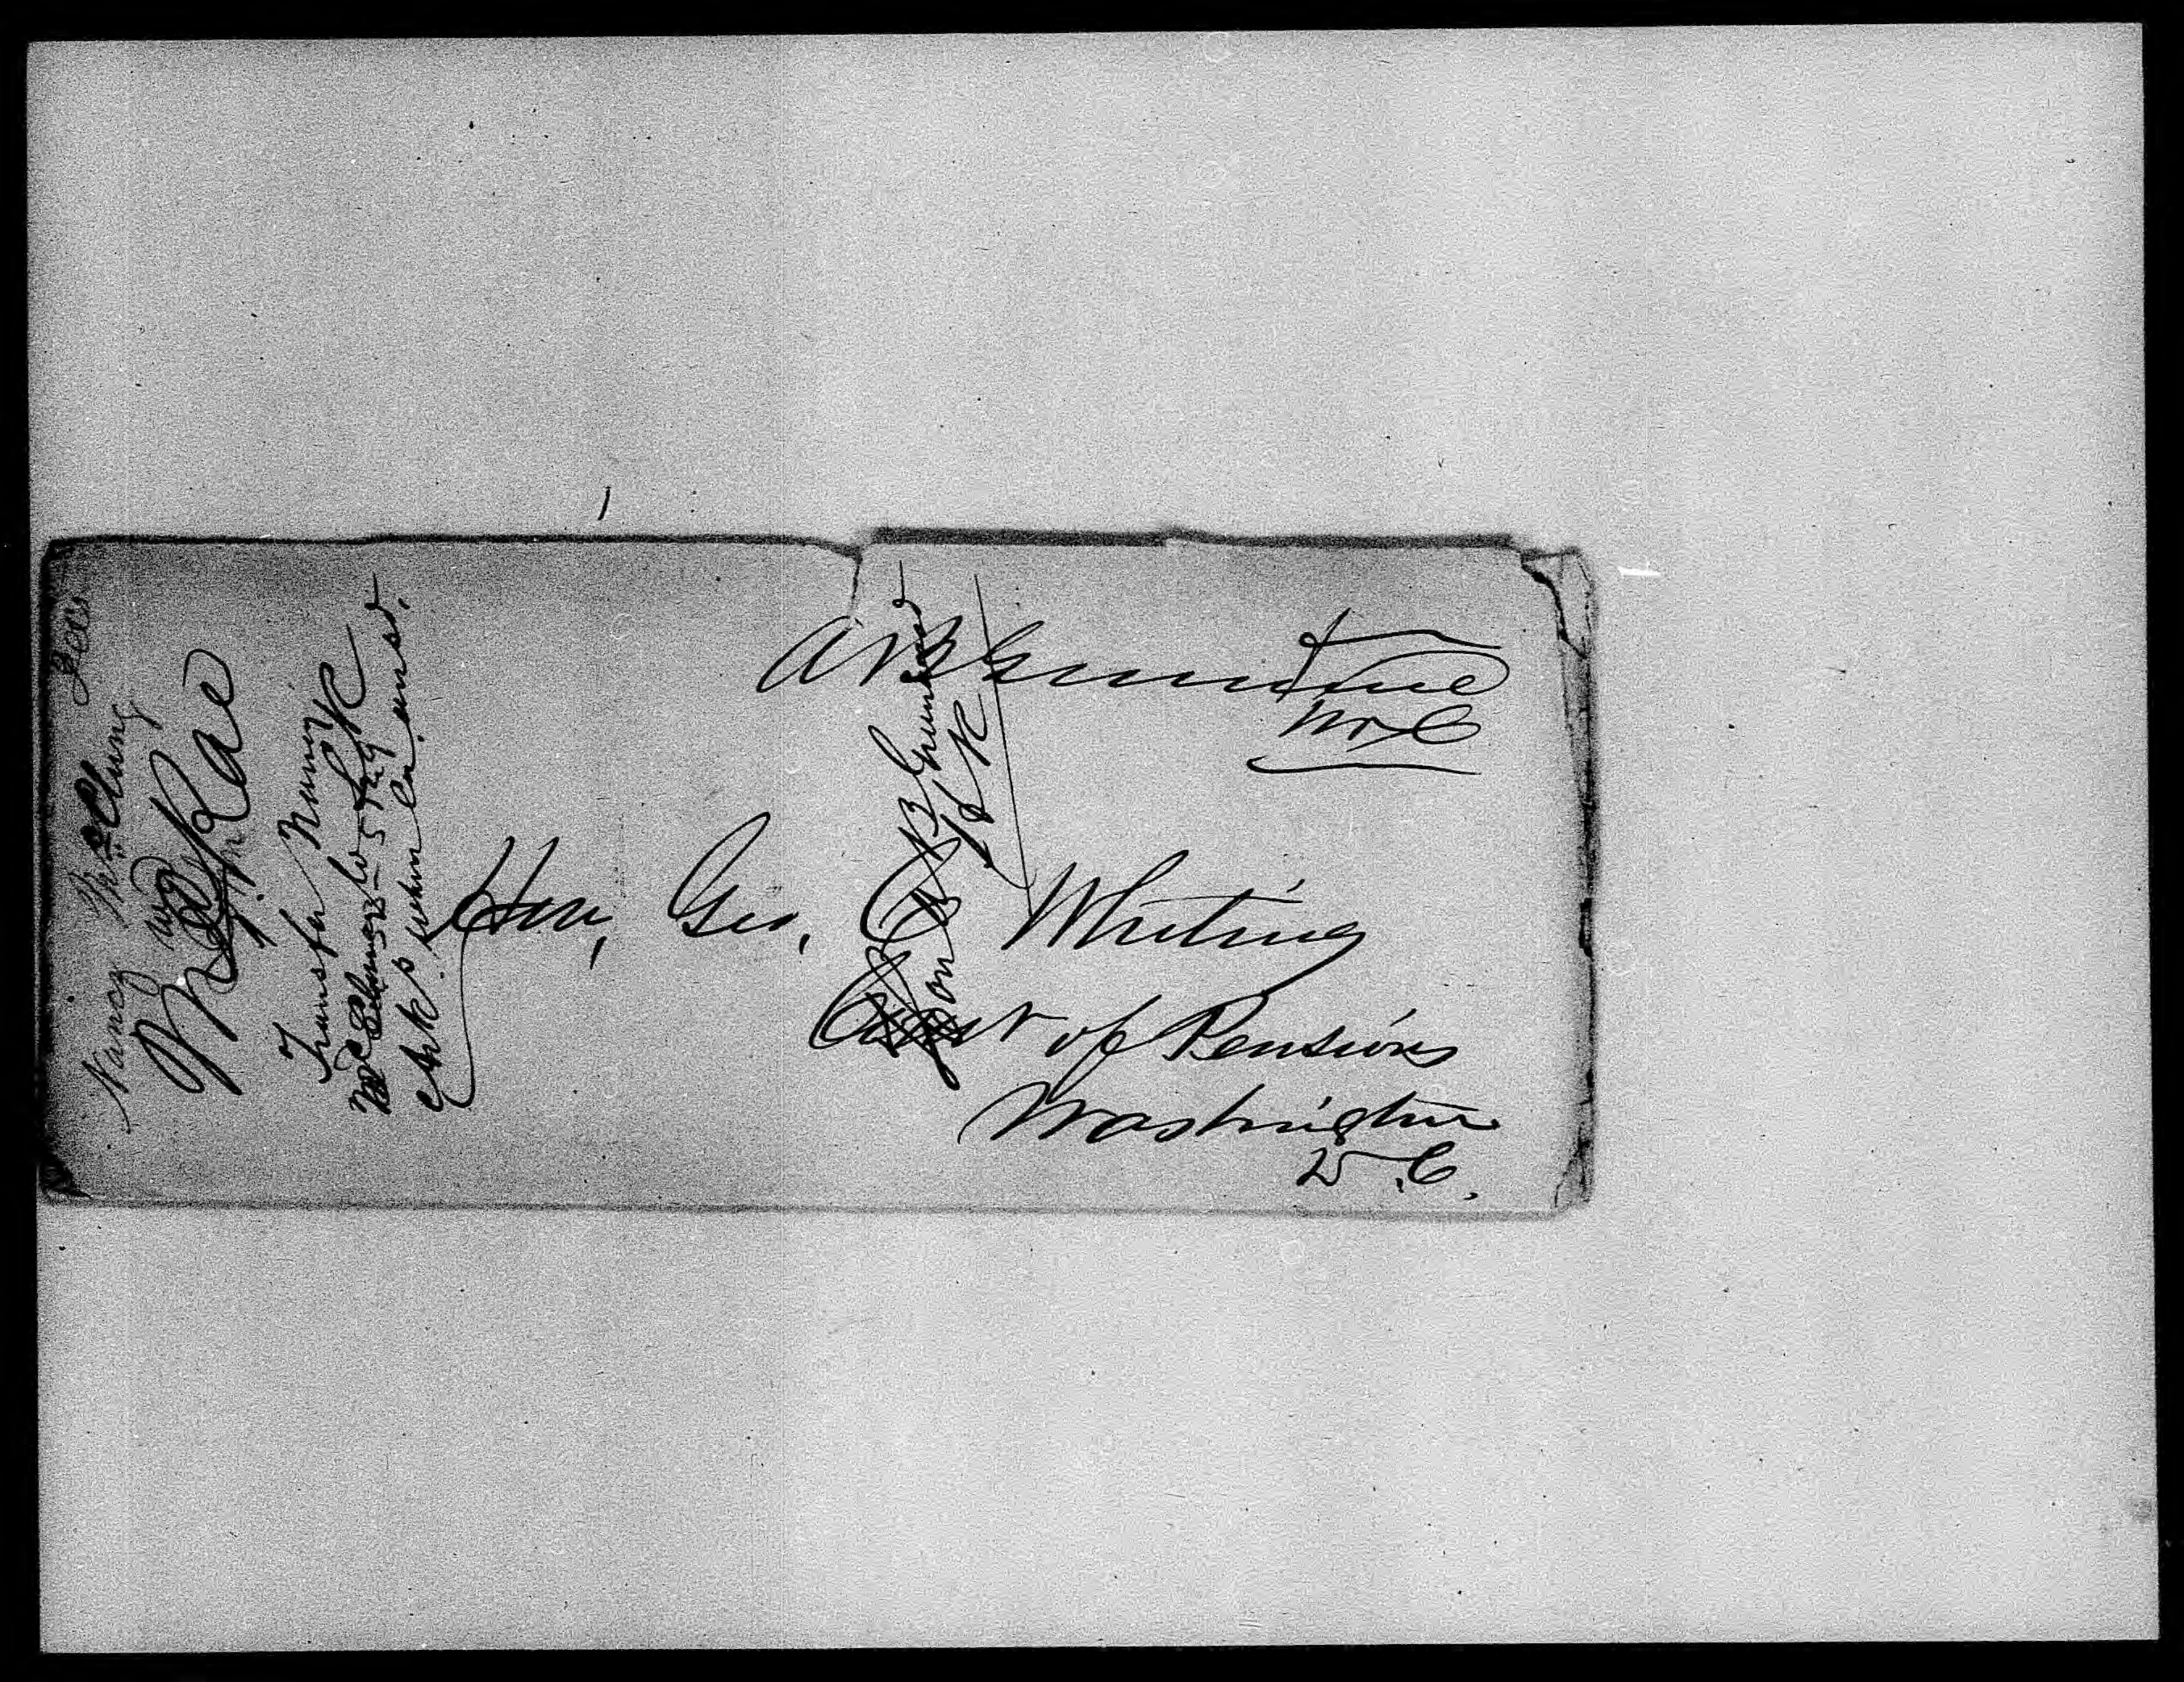Nancy Mc Clung
Wid
John
 Mc Rae

Transfer [illegible]
Cl 513-579 to HR
Ark.  when[illegible]
_______
Hon A B Greenwood
HR
_______


A B Greenwood [illegible]

Hon Geo C Whiting
Comr of Pensions
Washington
D . C.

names: B Greenwood; Nancy Mc Clung; John Mc Clung; Geo C Whiting; [BLANK] Mc Rae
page: 57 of 115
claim: widow's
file: W. 1446, for John Mc Clung, South Carolina